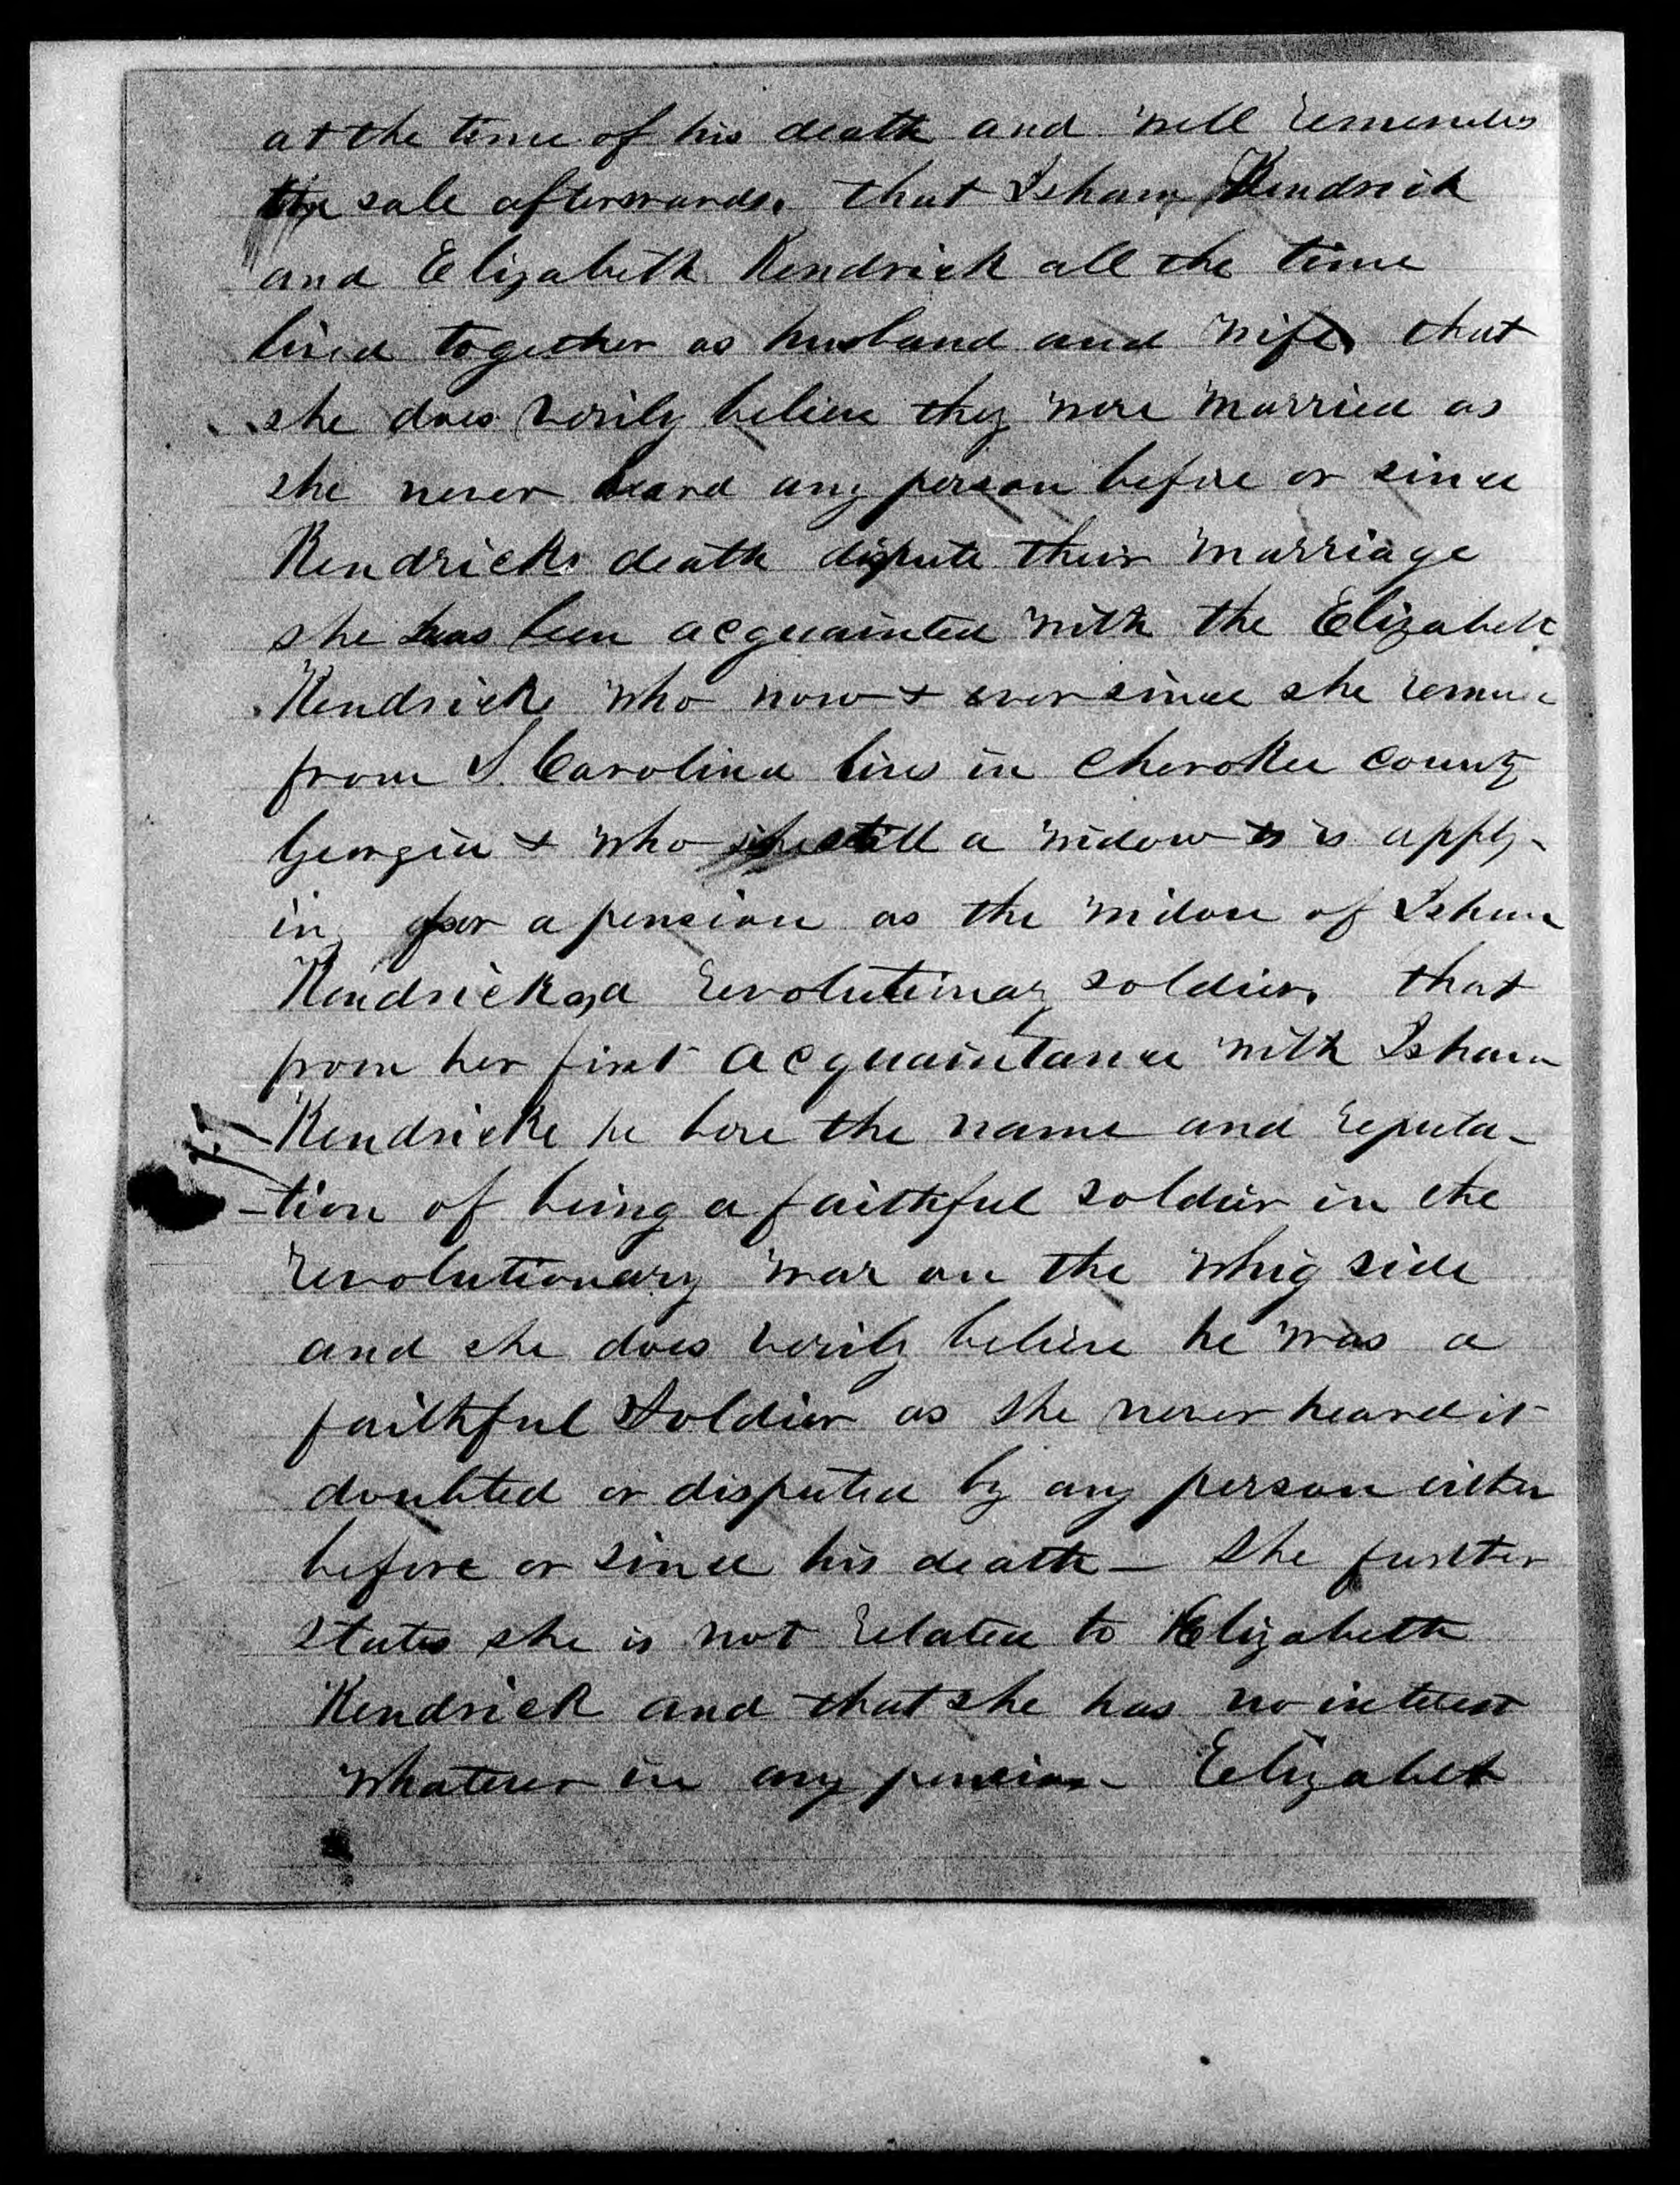at the time of his death and well remembers
the sale afterwards.  that Isham Kendrick
and Elizabeth Kendrick all the time
lived together as husband and wife, that
she does verily believe they were married as
she never heard any person before or since
Kendricks death dispute their marriage
she has been acquainted with the Elizabeth
Kendrick who now & ever since she removed
from S. Carolina lives in Cherokee County
Georgia & who is still a widow & is applying
for a pension as the widow of Isham 
Kendrick a revolutionary soldier, that 
from her first acquaintance with Isham 
Kendrick he bore the name and reputation 
of being a faithful soldier in the
revolutionary war on the whig side
and she does verily believe he was a 
faithful soldier as she never heard it 
doubted or disputed by any person either 
before or since his death - She further
states she is not related to Elizabeth
Kendrick and that she has no interest
whatever in any pension.  Elizabeth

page: 12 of 29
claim: rejected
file: R. 5862, for Isham Kendrick, North Carolina